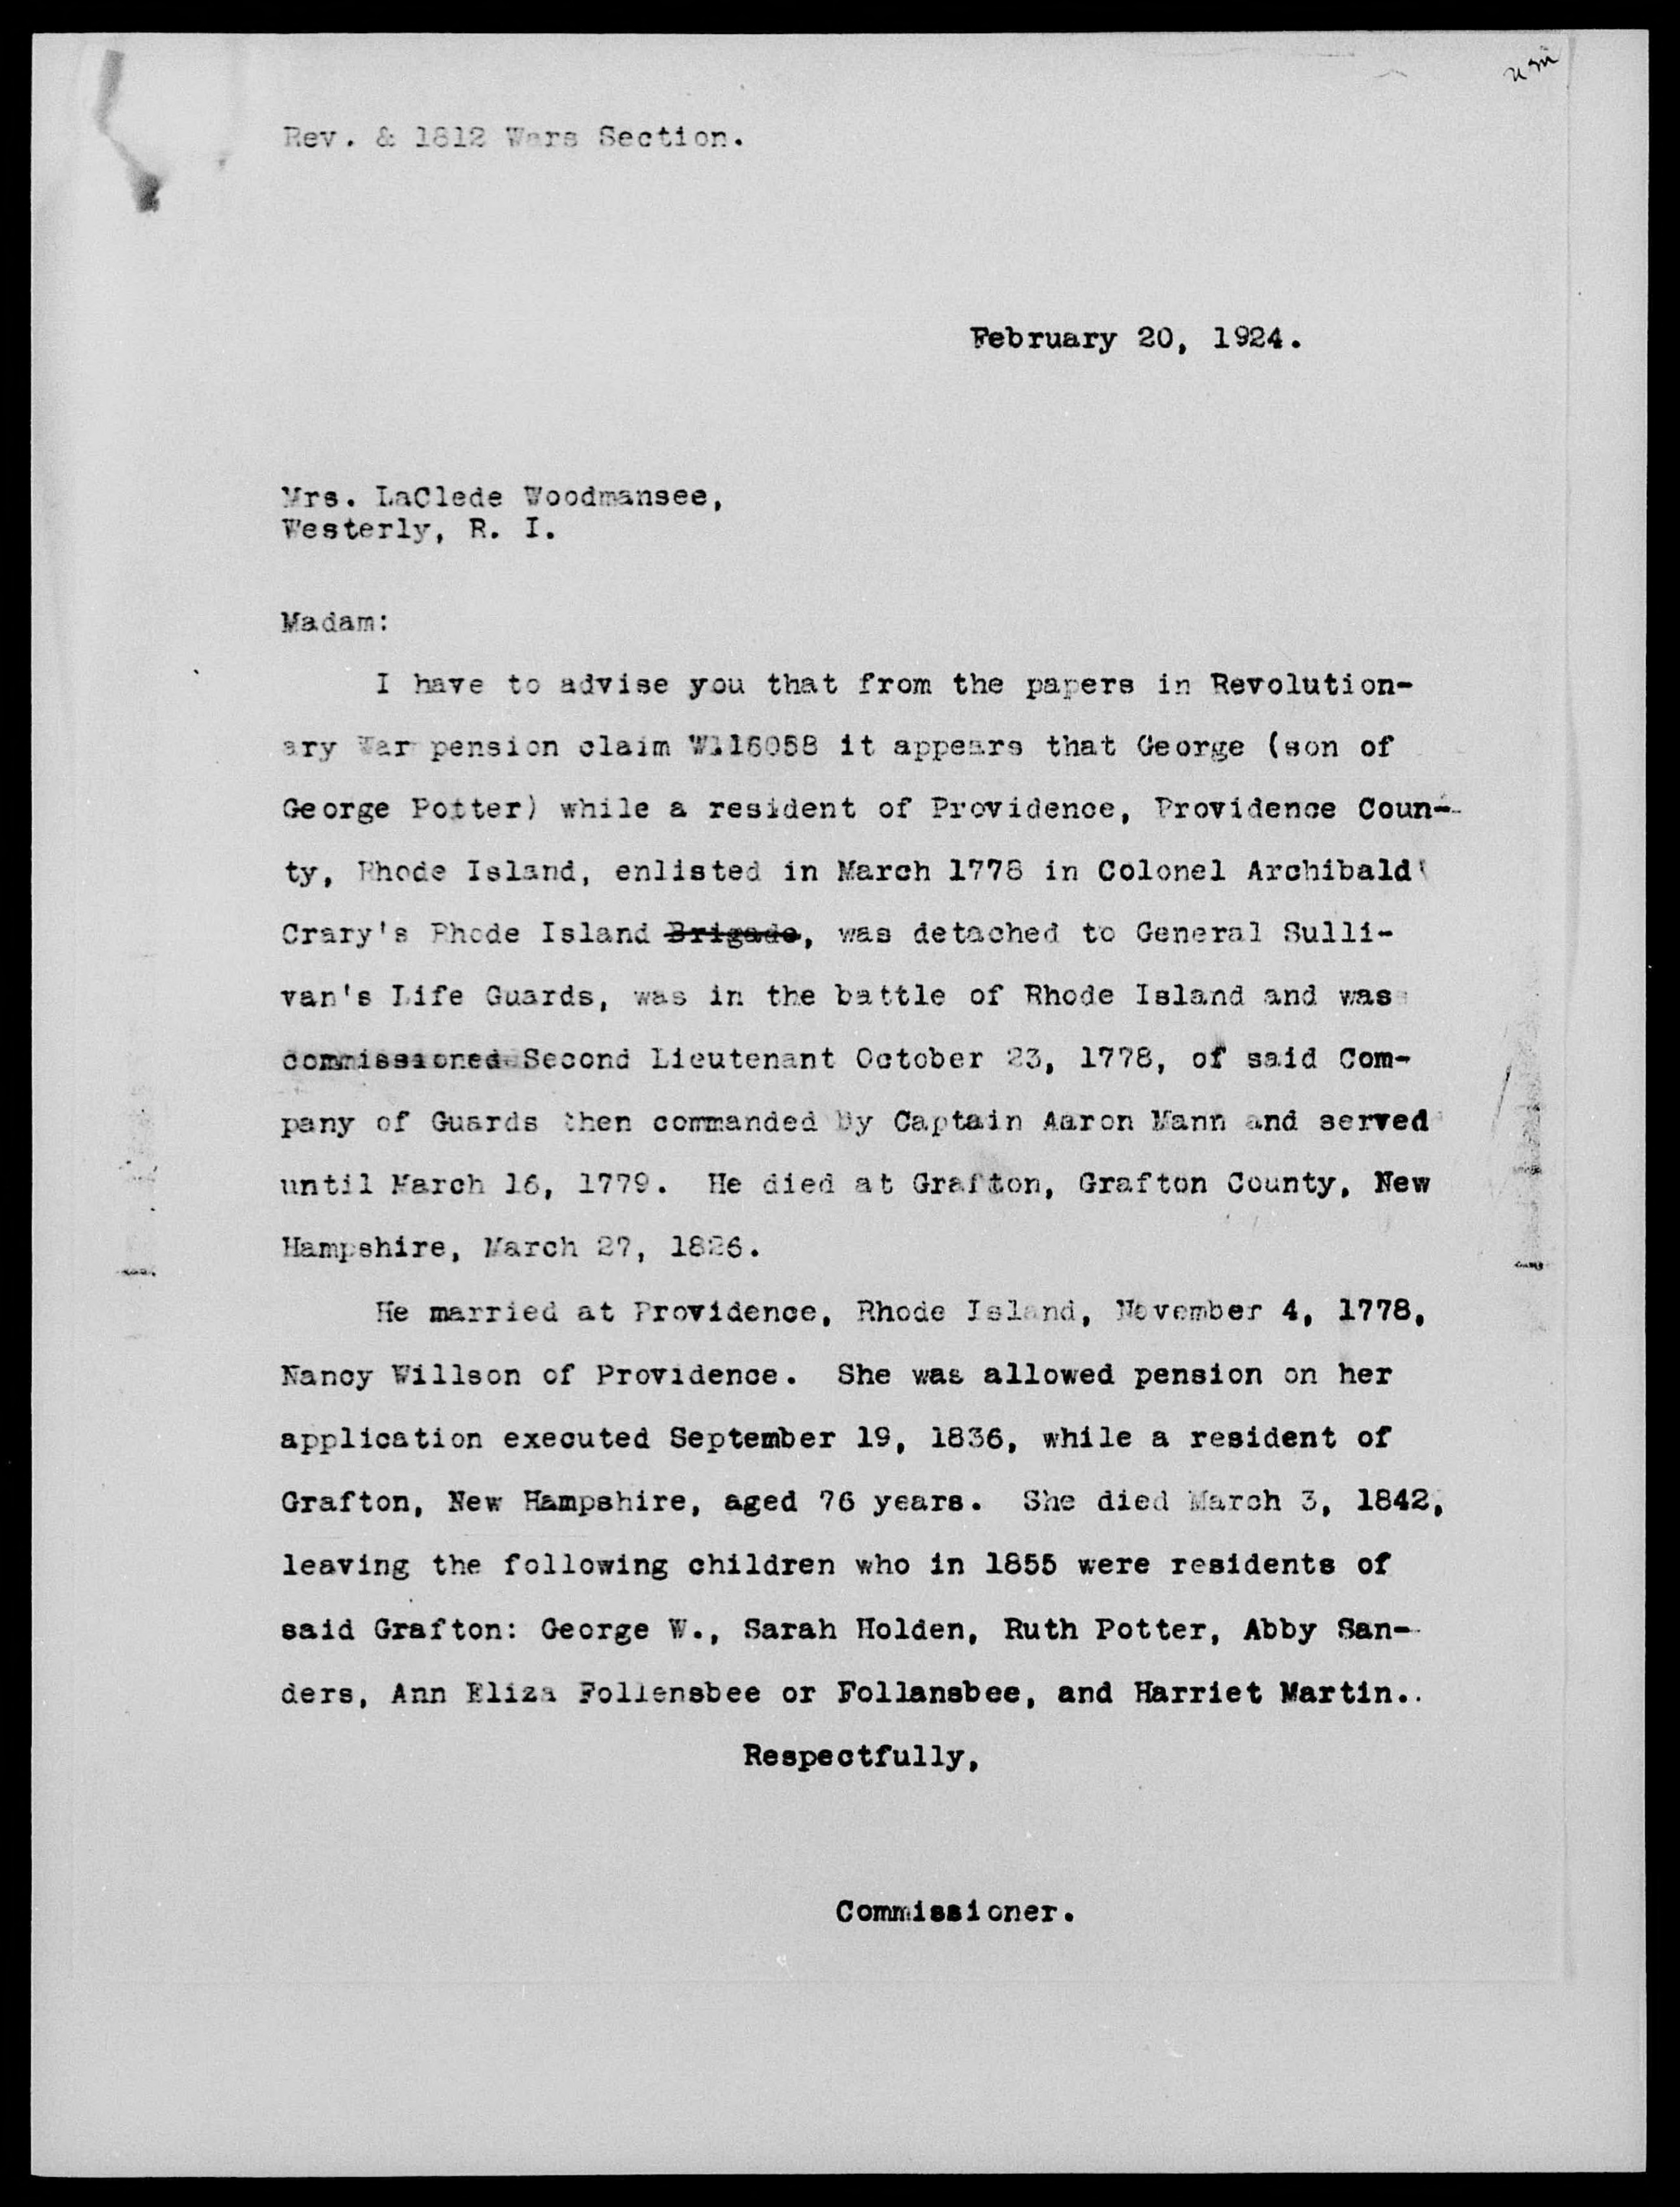Rev. & 1812 Wars Section.
February 20, 1924.
Mrs. Laclede Woodmansee,
Westerly, R.I.

Madam:
I have to advise you that from the papers in Revolutionary War pension claim W.16058 it appears that George (son of George Potter) while a resident of Providence, Providence County , Rhode Island, enlisted in March 1778 in Colonel Archibald Crary's Rhode Island Brigade, was detached to General Sullivan's Life Guards, was in the battle of Rhode Island and was Commissioned Second Lieutenant October 23, 1778, of said Company of Guards then commanded by Captain Aaron Mann and served until March 16, 1779. He died at Grafton, Grafton County, New Hampshire, March 27, 1826.
  He married at Providence, Rhode Island, November 4, 1778, Nancy Willson of Providence. She was allowed pension on her
application executed September 19, 1836, while a resident of Grafton, New Hampshire, aged 76 years. She died March 3, 1842,
leaving the following children who in 1855 were residents of said Grafton: George W., Sarah Holden, Ruth Potter, Abby Sanders, Ann Eliza Follensbee or Follansbee, and Harriet Martin.
Respectfully,
Commissioner.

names: George Potter; Sarah Holden; George W [BLANK]; Aaron Mann; Ruth Potter; Ann Eliza Follensbee; Nancy Willson; Abby Sanders; Harriet Martin; La Clede Woodmansee; [BLANK] Sullivan; Ann Eliza Follansbee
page: 19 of 40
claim: widow's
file: W. 16058, for George Potter, Rhode Island